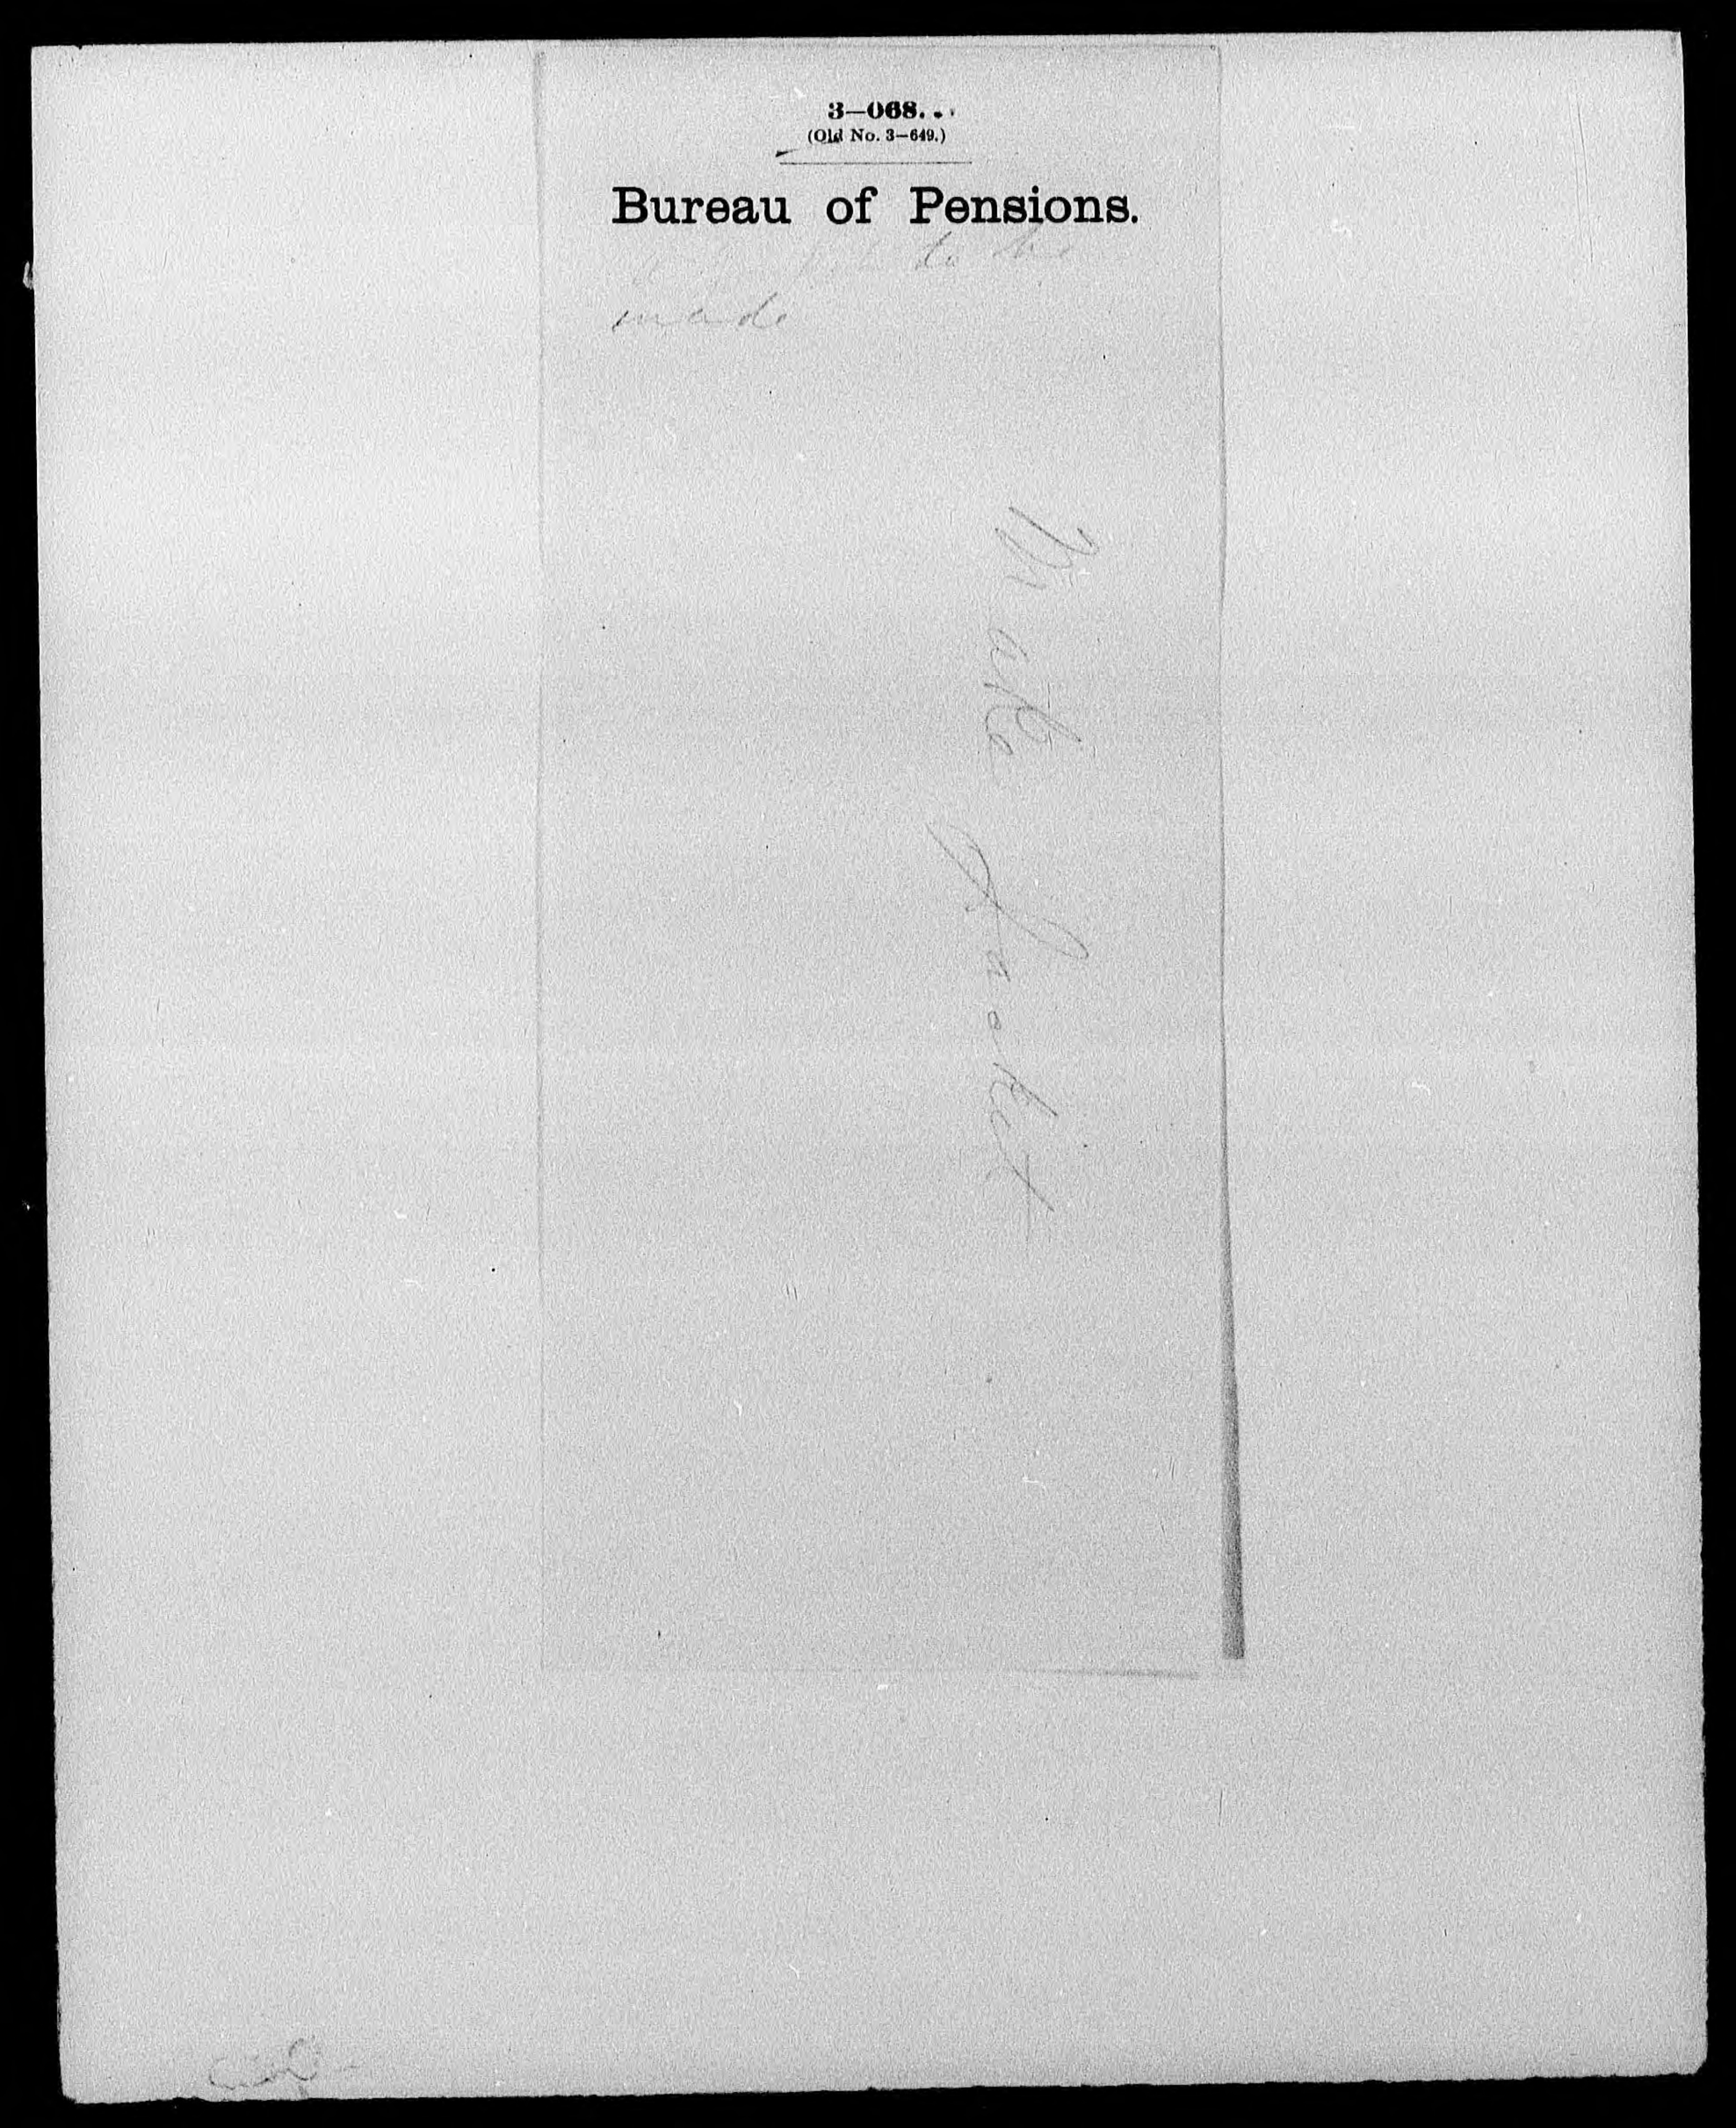3-068.
(Old No. 3-649)
Bureau of Pensions
[illegible]
Make jacket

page: 2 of 6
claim: rejected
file: R. 5493, for Joseph Ireland, New Jersey